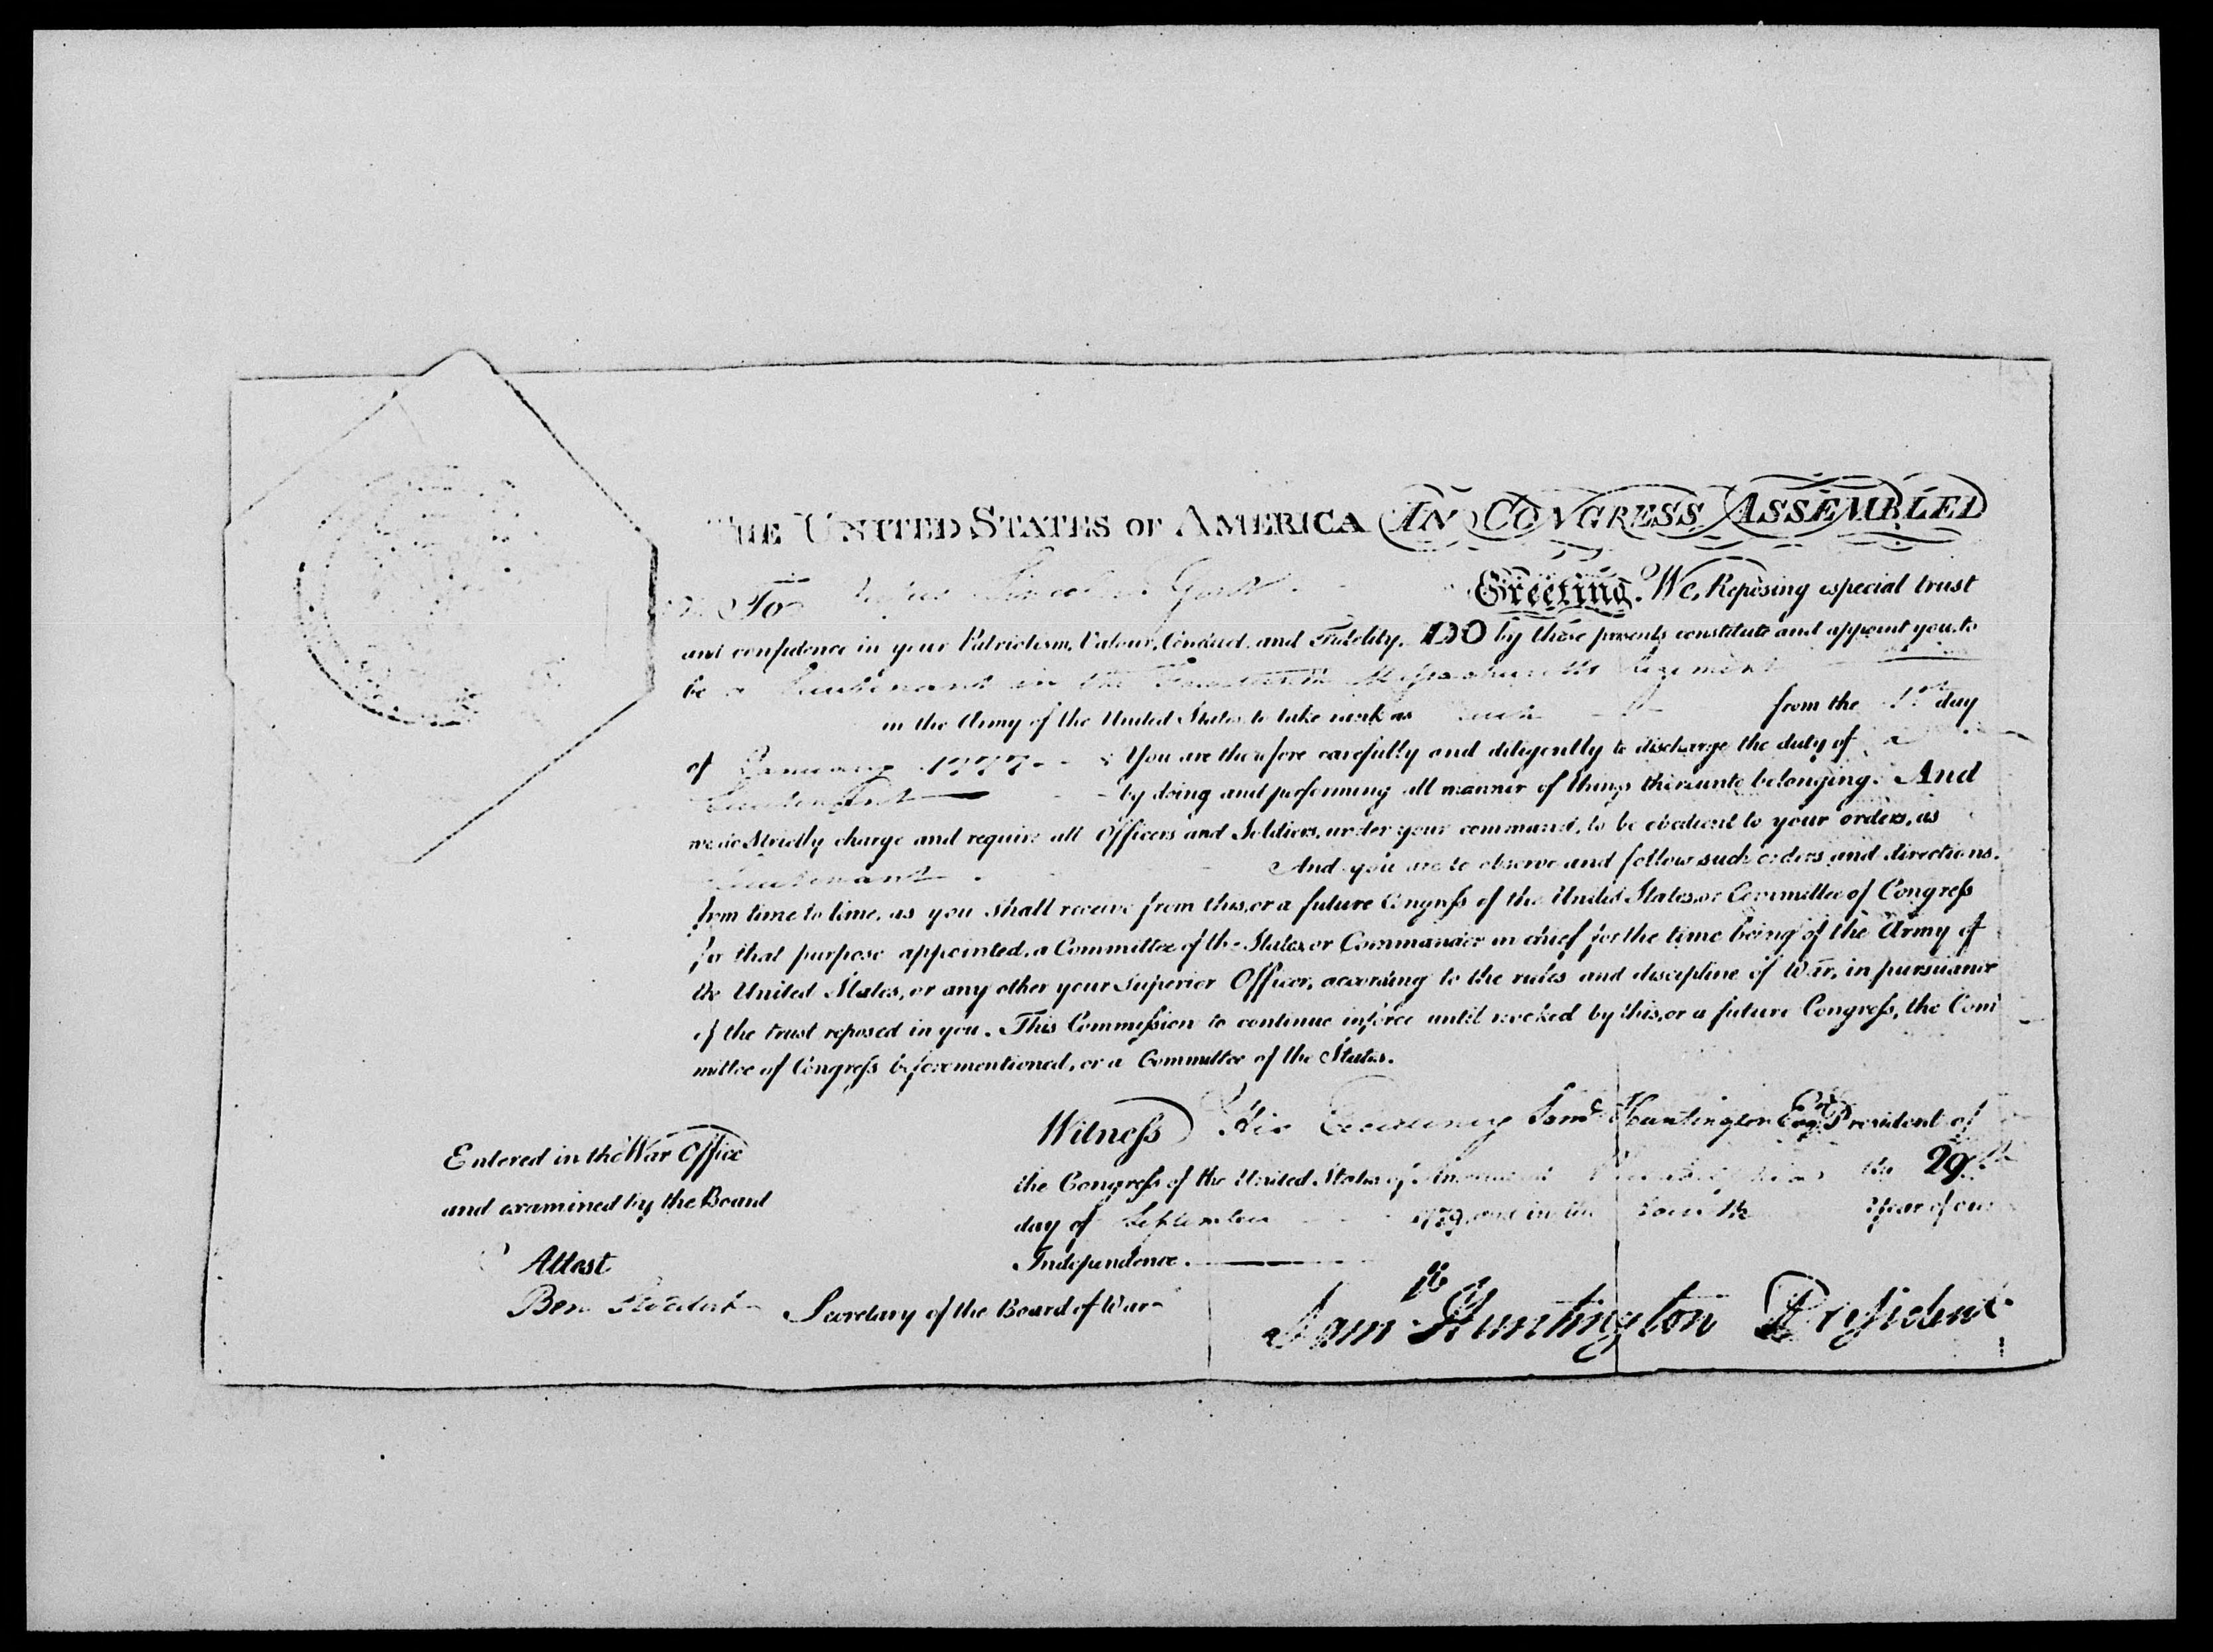UNITED STATES OF AMERICA IN CONGRESS ASSEMBLED
For Rufus Lincoln, Capt.
Greeting. We Reposing special trust and confidence in your Patriotism, Valour, Conduct, and Fidelity, DO by these presents constitute and appoint you to be a Lieutenant in the
forces in the Massachusetts Regiment in the Army of the United States to take rank as 
Captain from the 1st day of January 1777. You are therefore carefully and diligently to discharge the duty of a Lieutenant- by doing and performing all manner of things thereunto belonging. And we strictly charge and require all officers and soldiers, under your command , to be obedient to your orders, as Lieutenant.--
And you are to observe and follow such orders and directions, from time to time, as you
shall receive from this or a future Congress of the United States or Committee of Congress
for that purpose appointed, a Committee of the States, or Commander in chief for the time being of the Army of United States, or any other your Superior Officer, according to the rules and discipline of War, in pursuance
of the trust reposed in you. This Commission to continue inforce until revoked by this, or a future Congress, the Committee of Congress beforementioned, or a Committee of the States.
Witness His Excellency Saml Huntington Esq 
President of the Congress of the United States of America (illegible) - the 29th day of September 1779, and in the fourth year of
our Independence.

Entered in the War Office
and examined by the Board
Attest
Ben Stodard
Secretary of the Board of War
Sam'l Huntington President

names: Saml Huntington; Rufus Lincoln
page: 17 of 82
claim: widow's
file: W. 13,634, for Rufus Lincoln, Massachusetts